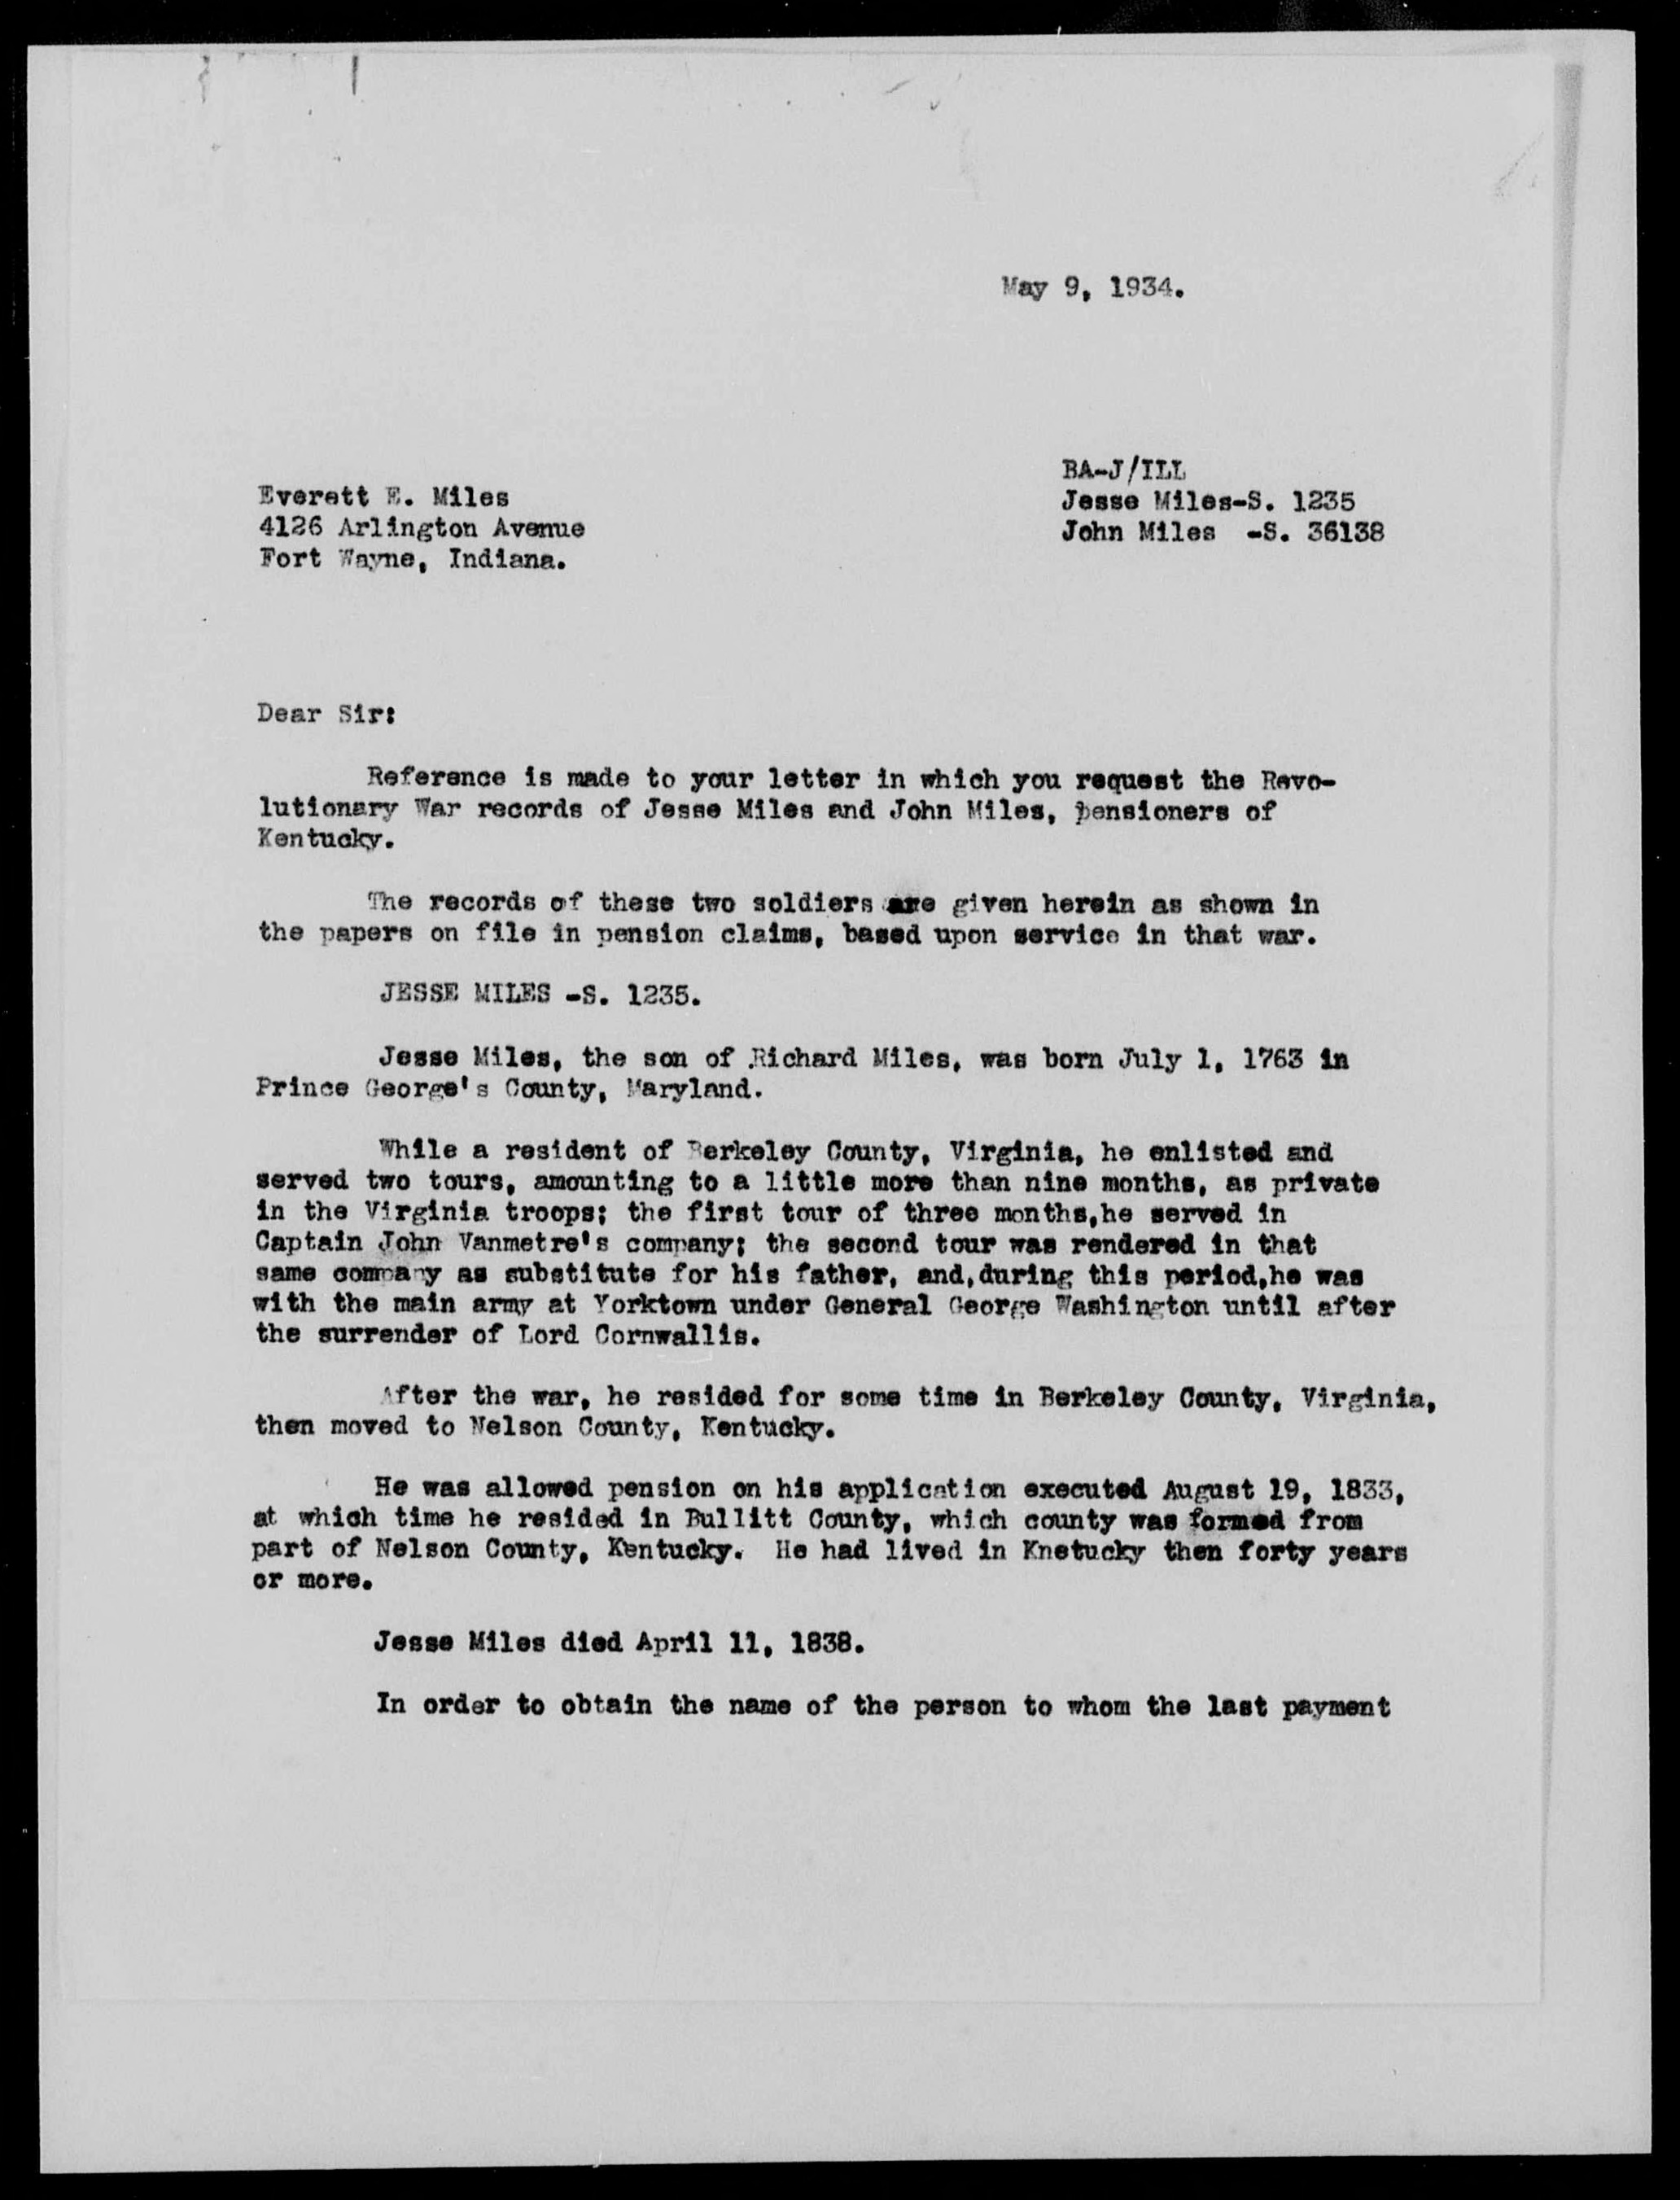Dear Sir:

Reference is made to your letter in which you request the Revolutionary War records of Jesse Miles and John Miles, pensioners of Kentucky.

The records of these two soldiers are given herein as shown in the papers on file in pension claims, based upon service in that war.

JESSE MILES - S. 1235

Jesse Miles, the son of Richard Miles, was born July 1, 1763 in Prince George's County, Maryland.

While a resident of Berkeley County, Virginia, he enlisted and served two tours, amounting to a little more than nine months, as private in the Virginia troops; the first tour of three months, he served in Captain John Vanmetre's company; the second tour was rendered in that same company as substitute for his father, and during, this period, he was with the main army at Yorktown under General George Washington until after the surrender of Lord Cornwallis.

After the war, he resided for some time in Berkeley County, Virginia, then moved to Nelson County, Kentucky.

He was allowed pension on his application executed August 19, 1833, at which time he resided in Bullitt County, which county was formed from part of Nelson County, Kentucky. He had lived in Kentucky them forty years or more.

Jesse Miles died April 11, 1838

In order to obtain the name of the person to whom the last payment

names: Everett E Miles; [BLANK] Cornwallis; Richard Miles; John Miles; George Washington; Jesse Miles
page: 16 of 24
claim: survivor's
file: S 36138, for John Miles, Maryland